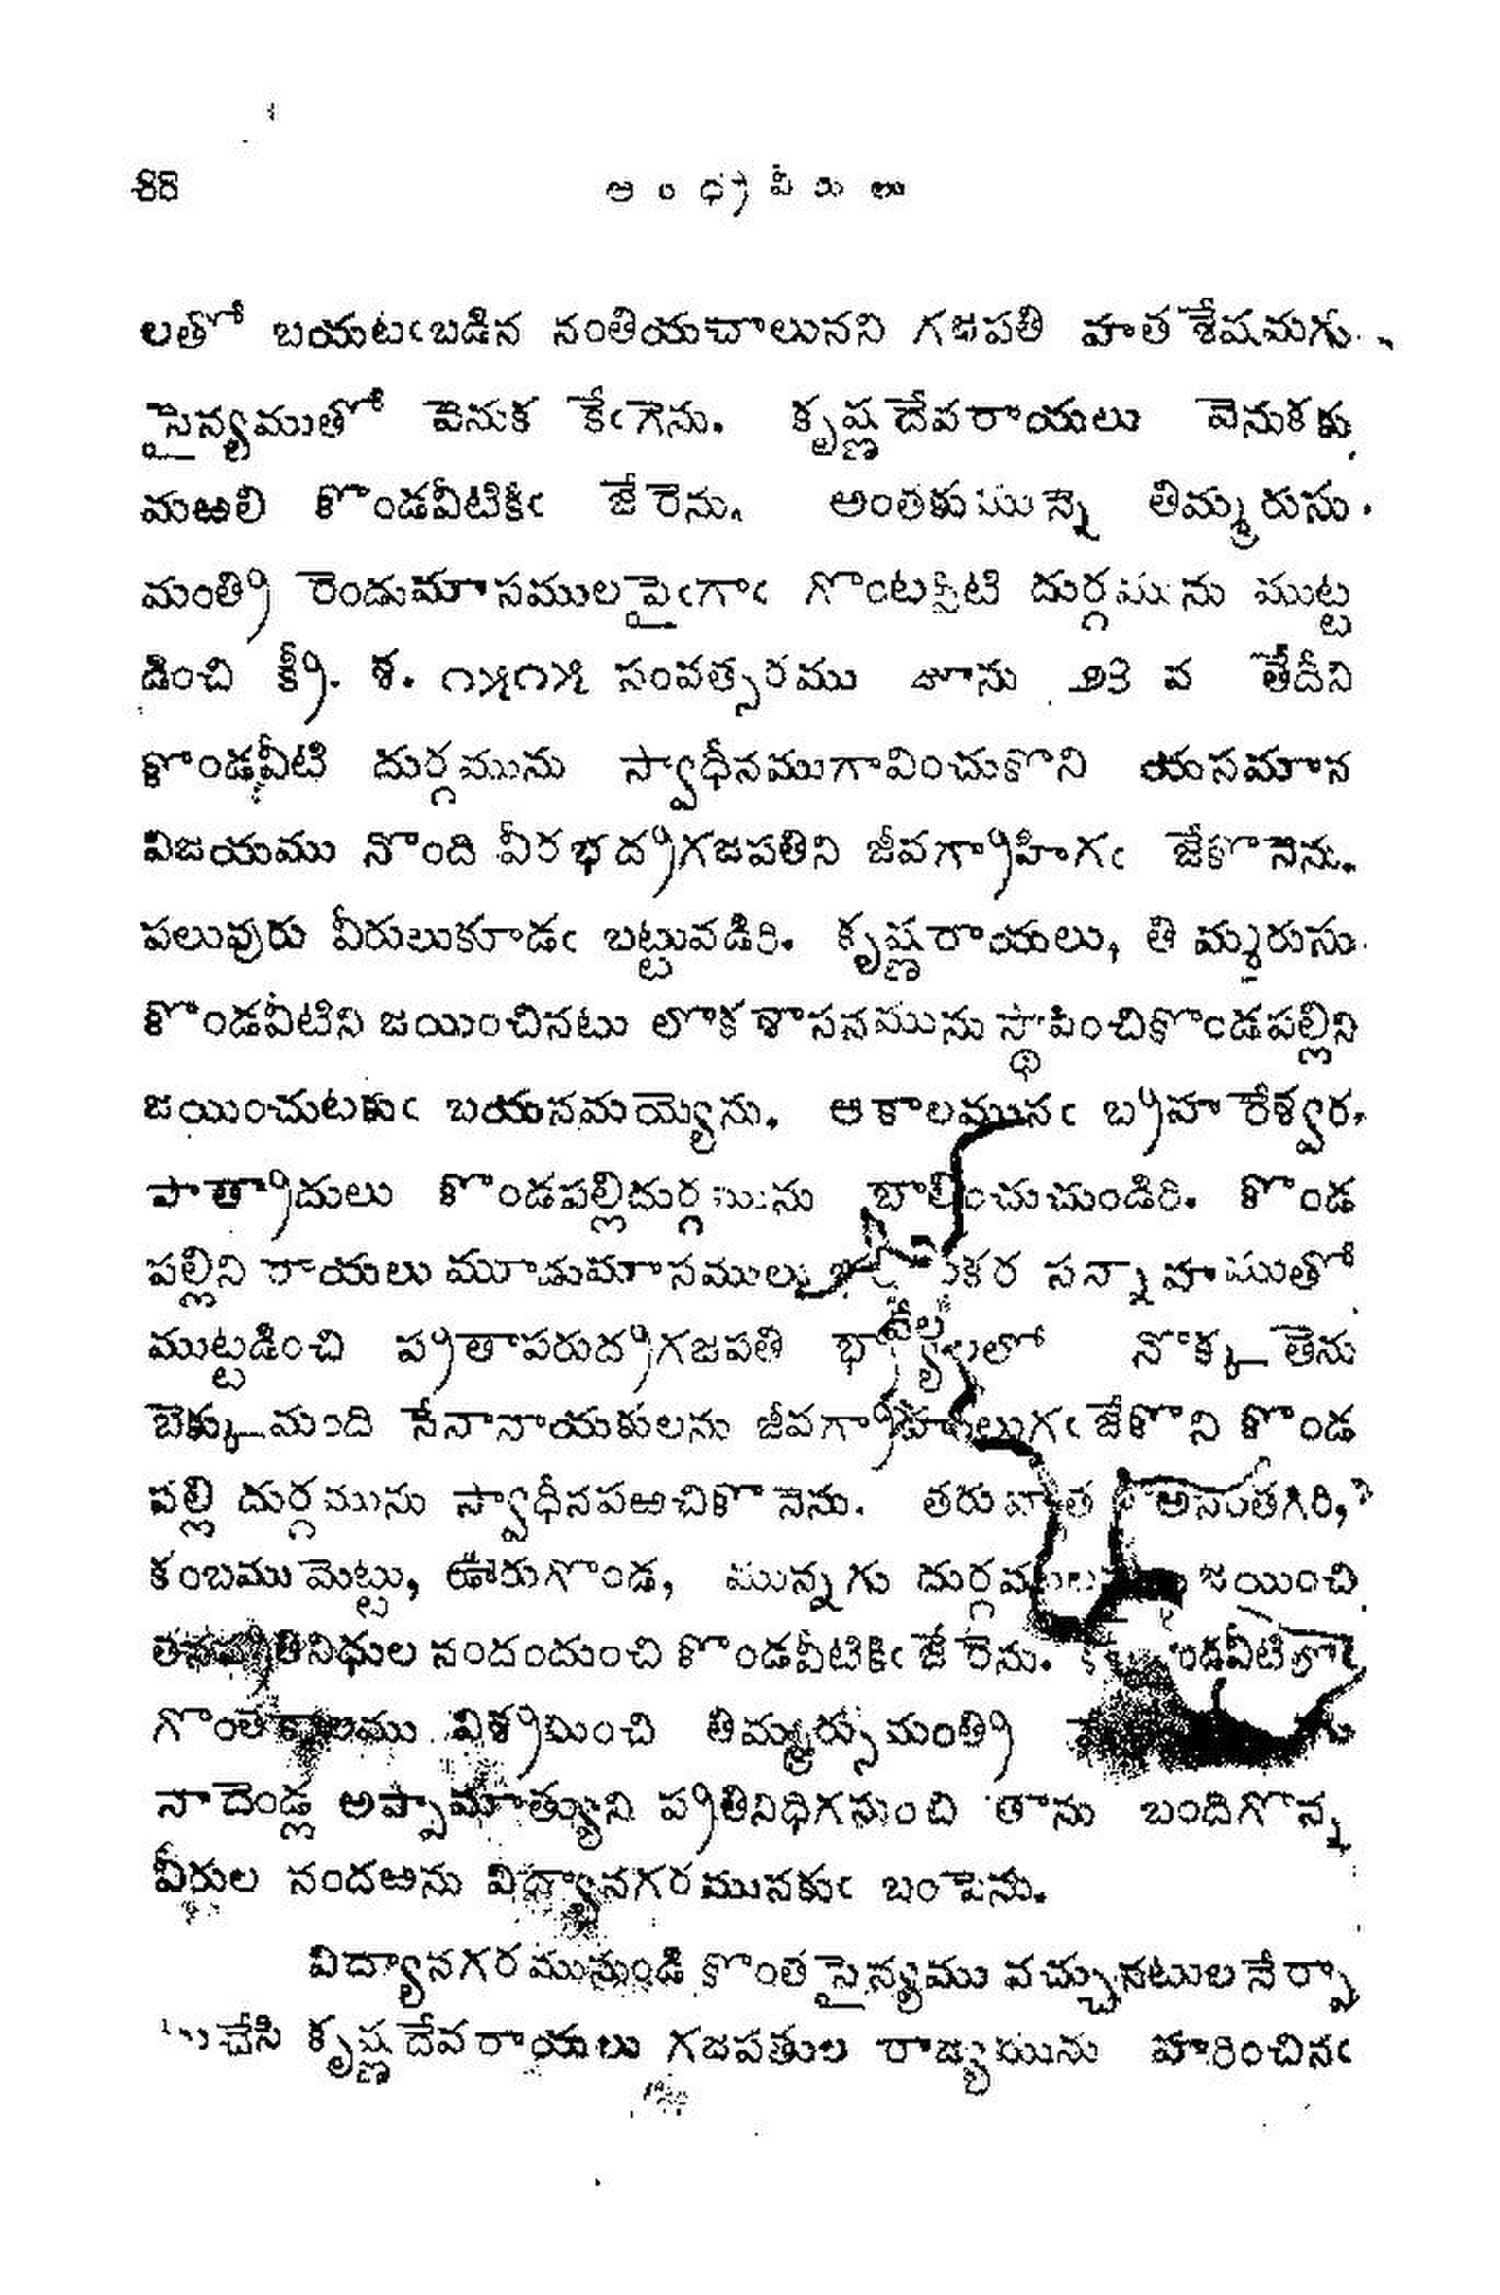లతో బయటబడిన నంతియచాలునని గజపతి హతశేషమగు సైన్యముతో వెనుక కేగెను. కృష్ణదేవరాయలు వెనుకకు మఱలి కొండవీటికి జేరెను. అంతకుమున్నె తిమ్మరుసుమంత్రి రెండుమాసములపైగా గొంటవీటి దుర్గమును ముట్టడించి క్రీ.శ.1515 సంవత్సరము జూను 23 వ తేదీని కొండవీటి దుర్గమును స్వాధీనముగావించుకొని యసమాన విజయమునొంది వీరభద్రగజపతిని జీవగ్రాహిగ జేకొనెను. పలువురు వీరులుకూడ బట్టువడిరి. కృష్ణరాయలు తిమ్మరుసు కొండవీటిని జయించినటు లొకశాసనమును స్థాపించి కొండపల్లిని జయించుటకు బయనమయ్యెను. ఆకాలమున బ్రహరేశ్వర పాత్రాదులు కొండపల్లిదుర్గమును బాలించుచుండిరి. కొండపల్లిని రాయలు మూడుమాసములు భయంకర సన్నాహముతో ముట్టడించి ప్రతాపరుద్రగజపతి భార్యలలో నొక్కతెను బెక్కుమంది సేనానాయకులను జీవగ్రాహలుగ జేకొని కొండపల్లి దుర్గమును స్వాధీనపఱచికొనెను. తరువాత అనంతగిరి, కంబముమెట్టు, ఊరుగొండ మున్నగు దుర్గములను జయించి తనప్రతినిధుల నందందుంచి కొండవీటికి జేరెను. కొండవీటిలో గొంతకాలము విశ్రమించి తిమ్మరుసుమంత్రి --------- నాదెండ్ల అప్పామాత్యుని ప్రతినిధిగనుంచి తాను బందిగొన్న వీరుల నందఱను విద్యానగరమునకు బంపెను.

విద్యానగరము నుండి కొంతసైన్యము వచ్చునటులనేర్పాటుచేసి కృష్ణదేవరాయలు గజపతుల రాజ్యమును హరించిన